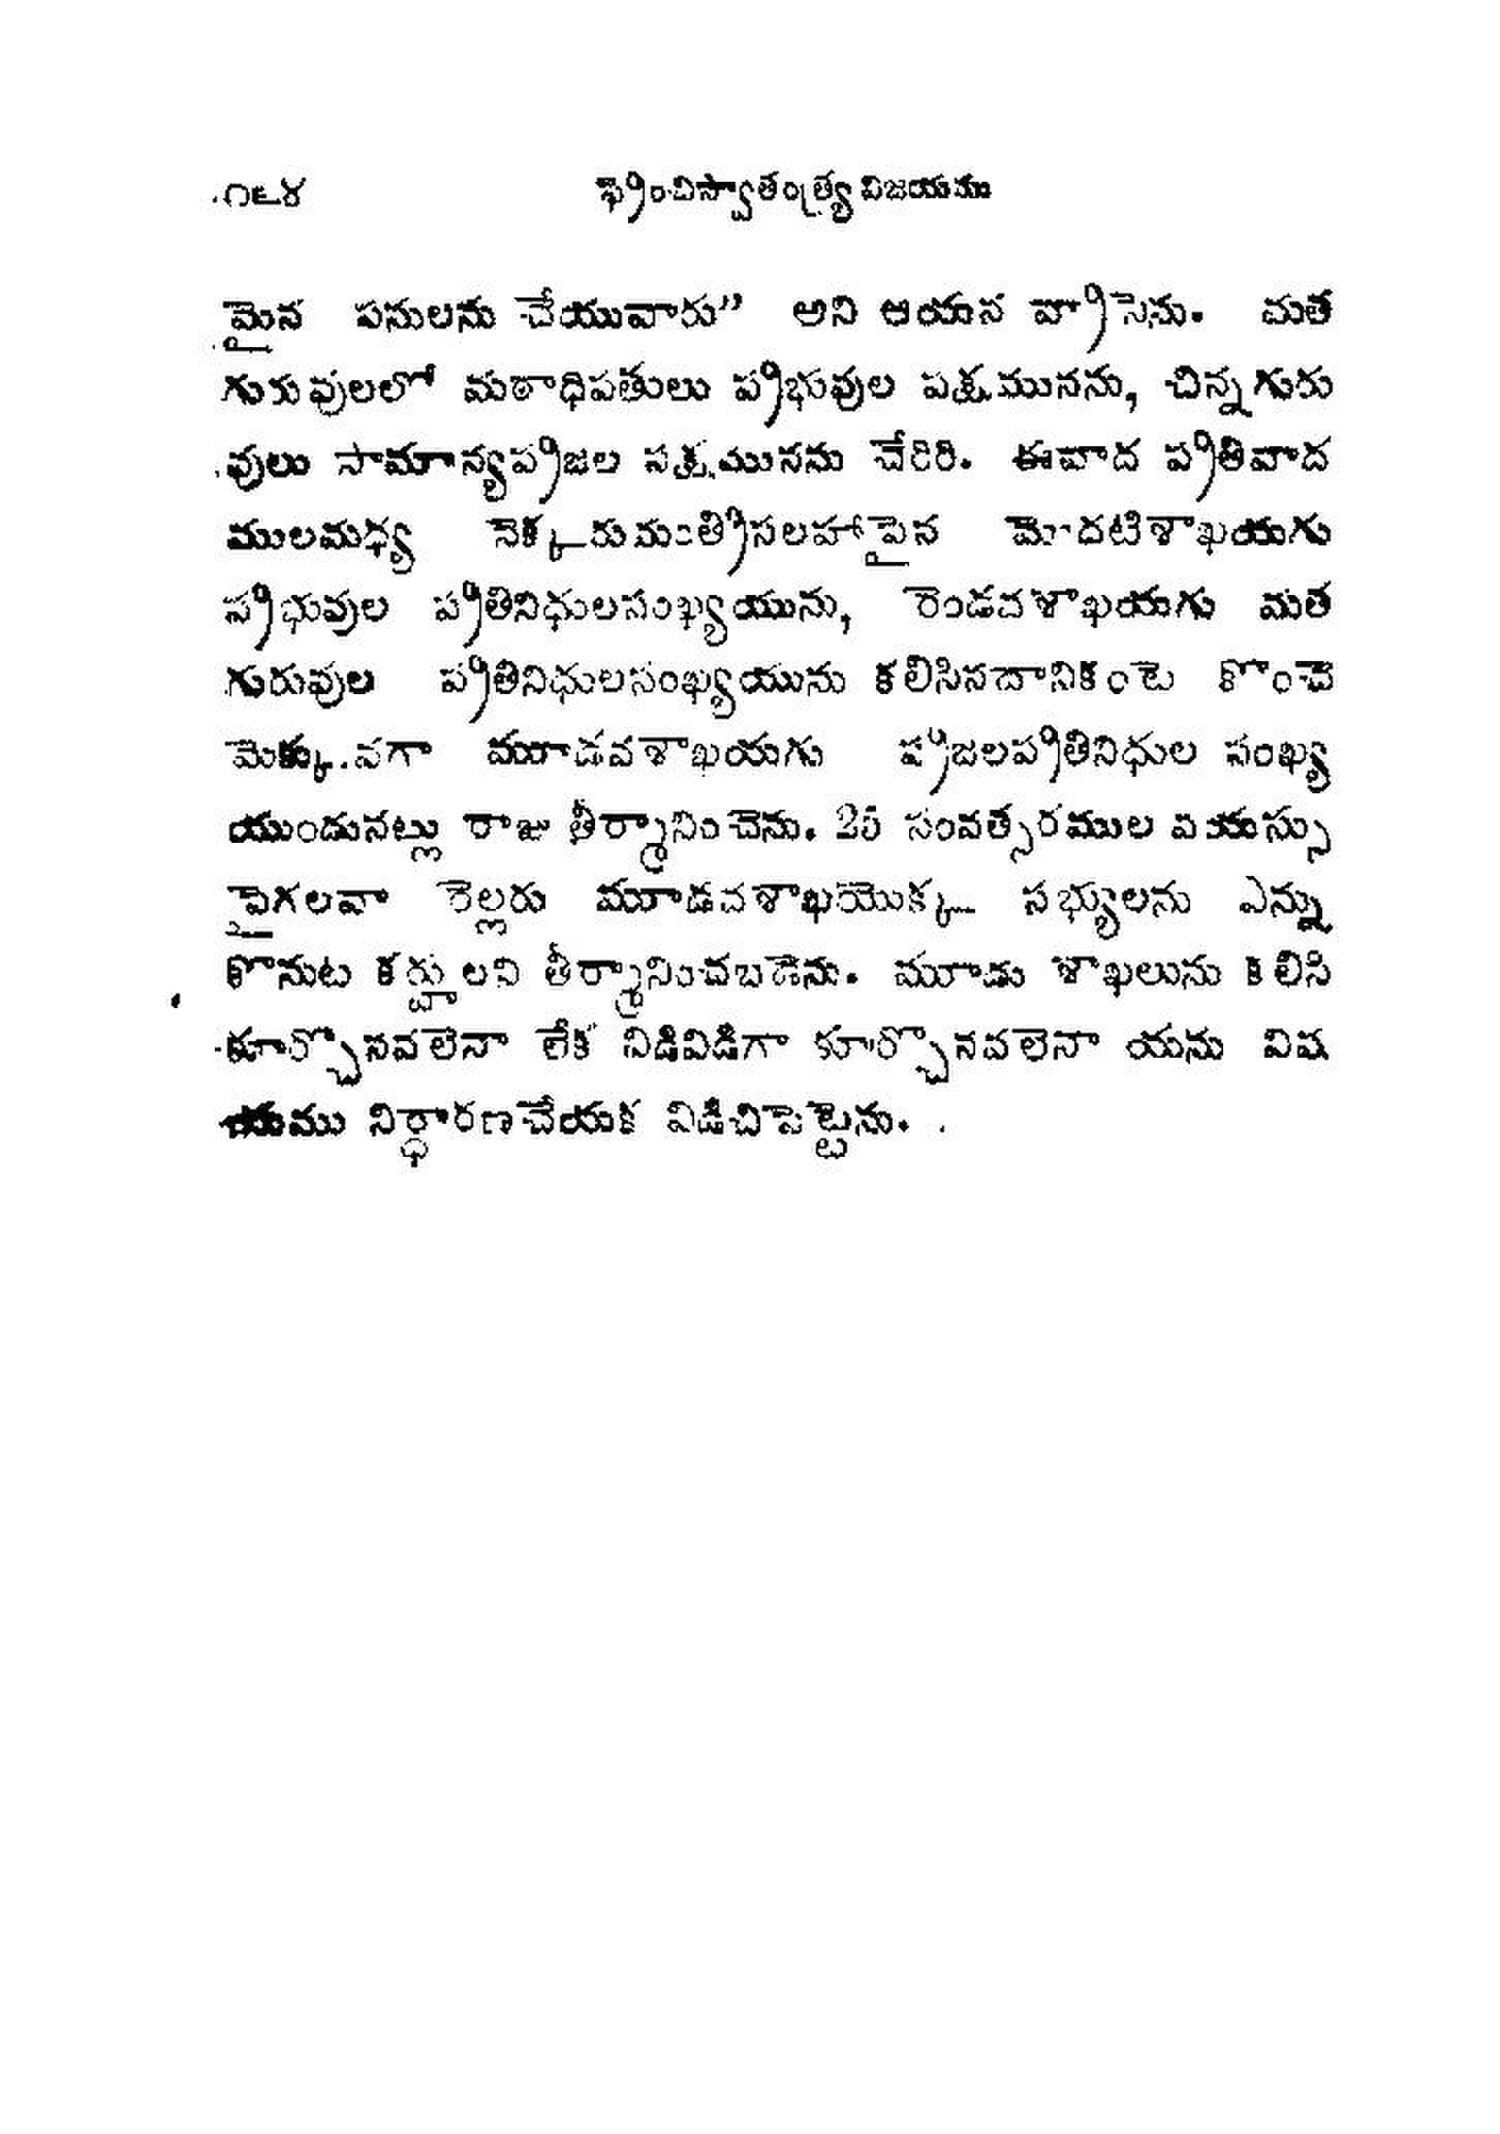మైన పనులను చేయువారు” అని ఆయన వ్రాసెను. మత
గురువులలో మఠాధిపతులు ప్రభువుల పక్షమునను, చిన్న గురు
వులు సామాన్య ప్రజల పక్షమునను చేరిరి. ఈవాద ప్రతివాద
ముల మధ్య నెక్కరు మంత్రి సలహా పైన మొదటిశాఖయగు
ప్రభువుల ప్రతినిధుల సంఖ్య యును, రెండవ శాఖయగు మత
గురువుల ప్రతినిధుల సంఖ్యయును కలిసిన దానికంటే కొంచె
మెక్కువగా మూడవ శాఖయగు ప్రజల ప్రతినిధుల సంఖ్య
యుండునట్లు రాజు తీర్మానించెను. 25 సంవత్సరముల వయస్సు
పైగలవా రెల్లరు మూడవశాఖ యొక్క సభ్యులను ఎన్ను
కొనుట కర్హులని తీర్మానించబడెను. మూడు శాఖలును క లిసి
కూర్చోసవ లేనా లేక విడివిడిగా కూర్చొనవలెనా యను విష
చుము నిర్ధారణ చేయక విడిచి పెట్టెను. .